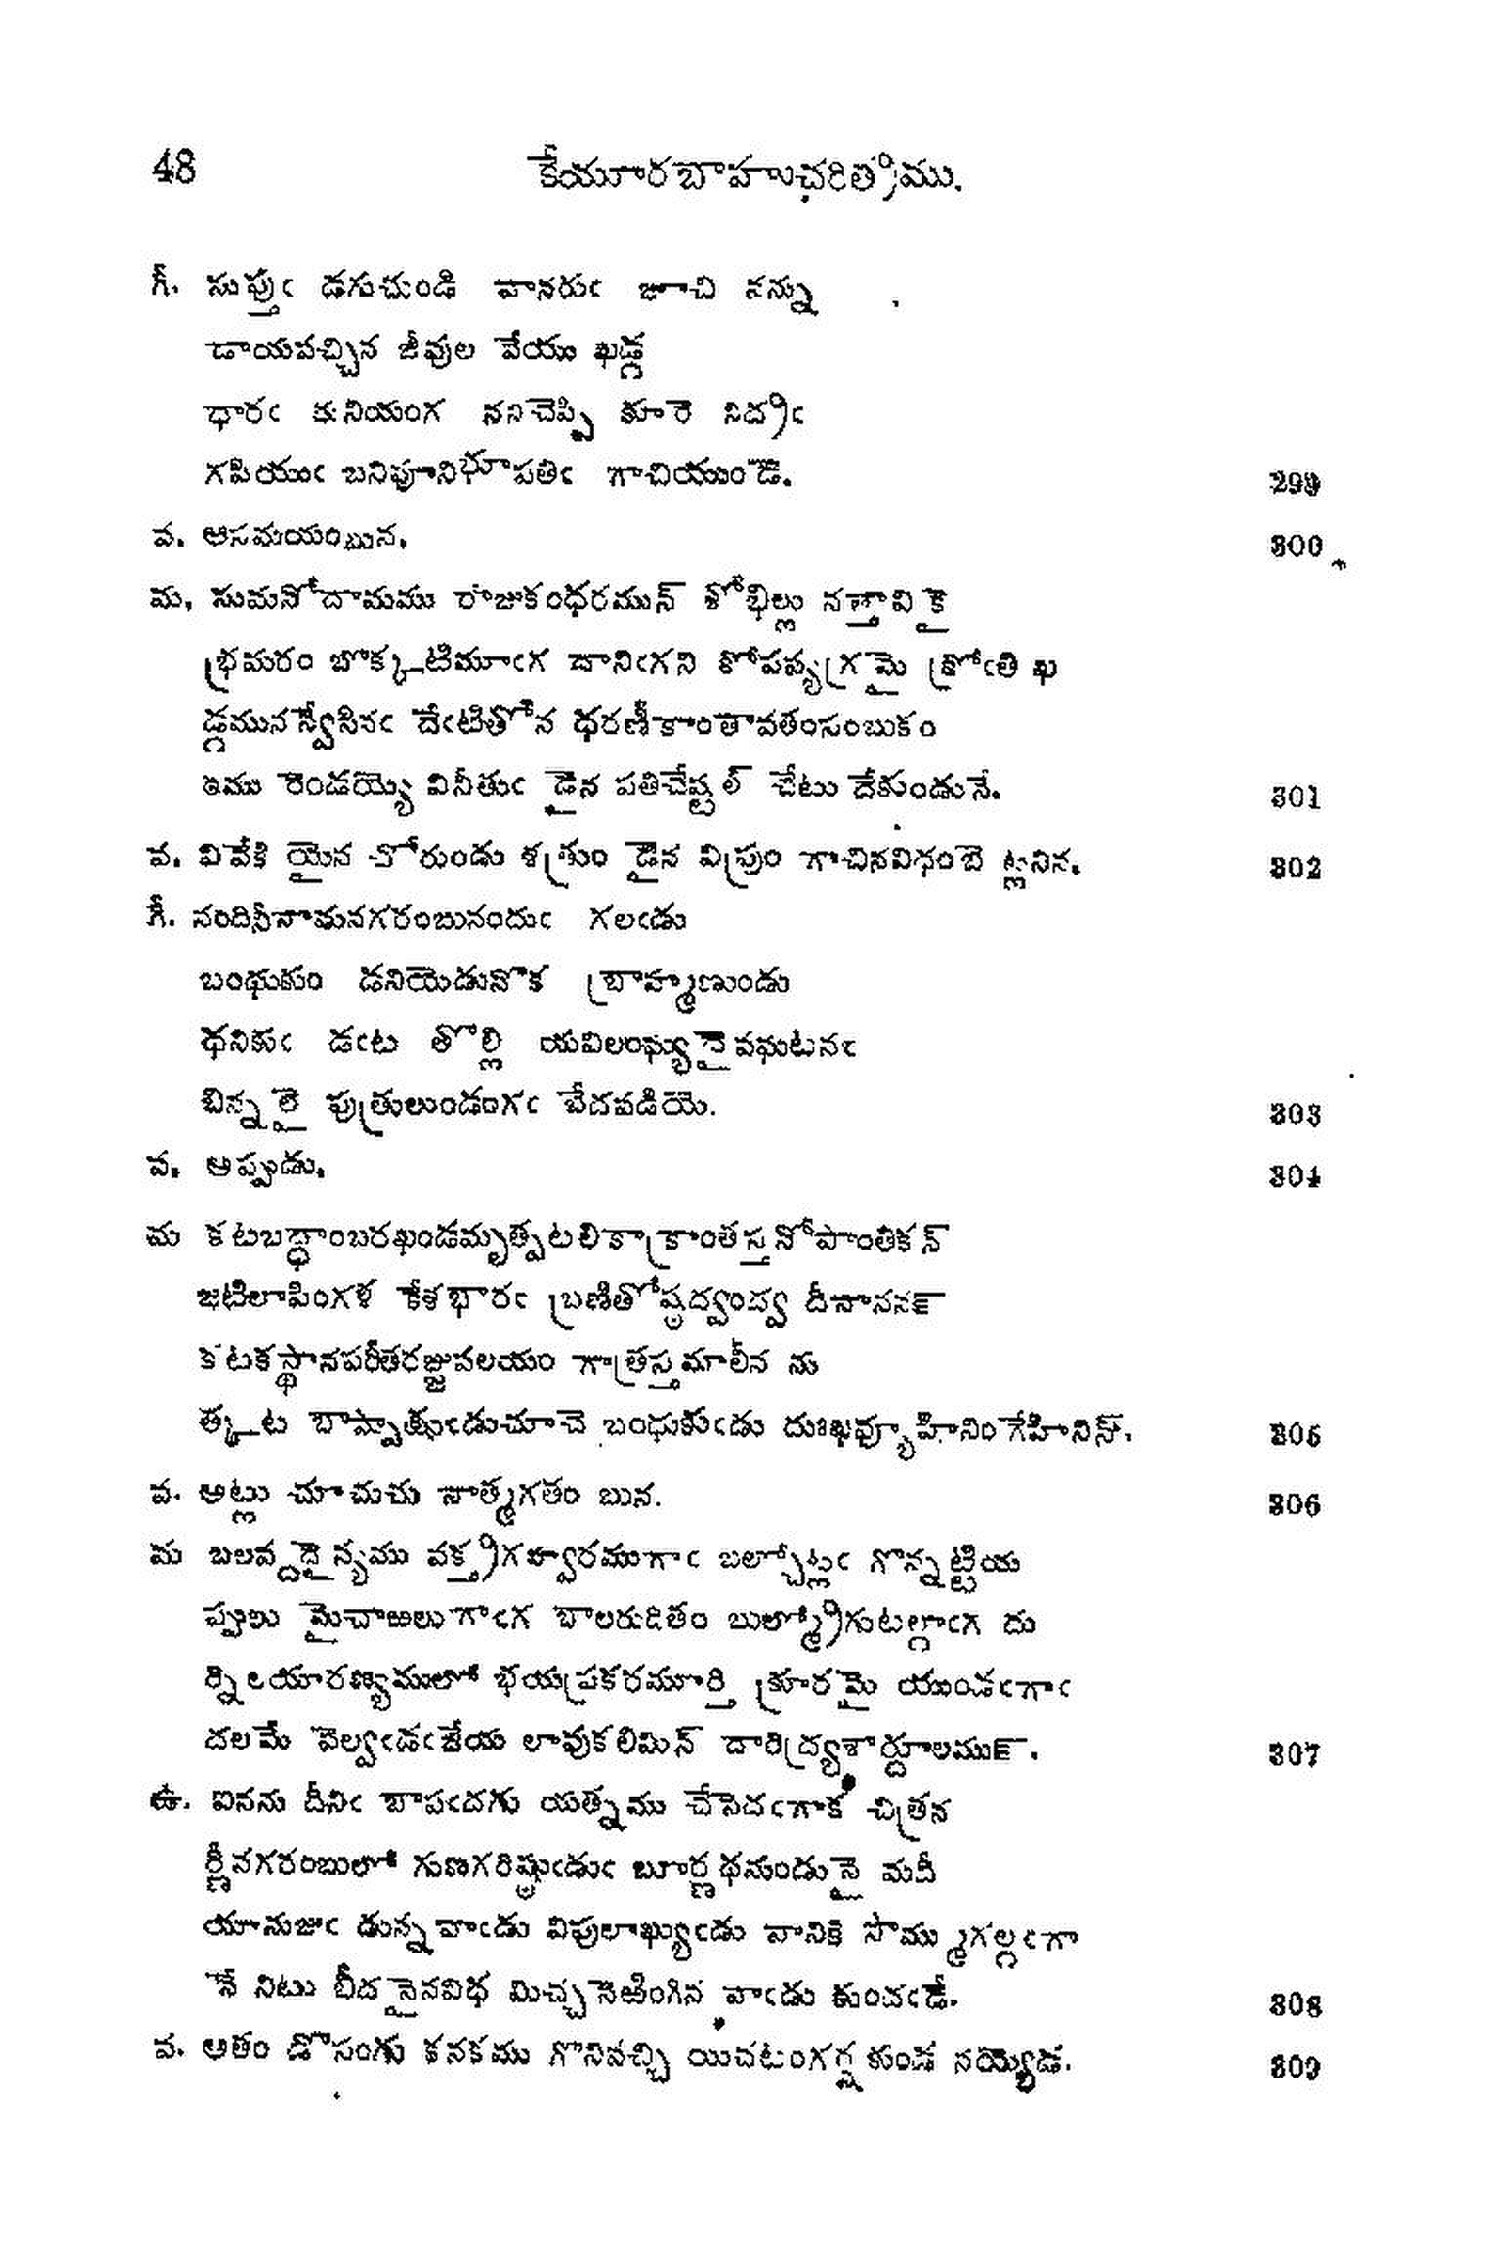గీ. సుప్తుం డగుచుండి వానరుఁ జూచి నన్ను
 డాయవచ్చిన జీవుల వేయు ఖడ్గ
 ధారఁ దునియంగ నని చెప్పి కూరె నిద్రఁ
 గపియుఁ బనిపూని భూపతిఁ గాచియుండె.
వ. ఆసమయంబున.
మ. సుమనోదామము రాజుకంధరమున్ శోభిల్లు నత్తావికై
 భ్రమరం బొక్కటి మూఁగ దానిఁగని కోపవ్యగ్రమై క్రోఁతి ఖ
 డ్గమున న్వేసినఁ దేఁటితోన ధరణీకాంతావతంసంబుకం
 ఠము రెండయ్యె వినీతుఁ డైన పతిచేష్టల్ చేటు దేకుండునే.
వ. వివేకి యైన చోరుండు శత్రుం డైన విప్రుం గాచిన విధంబె ట్లనిన.
గీ. నందినీనామనగరంబునందుఁ గలఁడు
 బంథుకుం డనియెడునొక బ్రాహ్మణుండు
 ధనికుఁ డట తొల్లి యవిలంఘ్యదైవఘటనఁ
 బిన్నలై పుత్రులుండంగఁ బేదవడియె.
వ. అప్పుడు.
మ. కటబద్ధాంబరఖండమృత్పటలికాక్రాంతస్తనోపాంతికన్
 జటిలాపింగళ కేశభారఁ బ్రణితోష్ఠద్వంద్వదీనాననన్
 కటకస్థానపరీతరజ్జువలయం గాత్రస్తమాలీన ను
 త్కటబాష్పాక్షుఁడు చూచె బంధుకుఁడు దుఃఖవ్యూహినిం గేహినిన్.
వ. అట్లు చూచుచు నాత్మగతంబున.
మ. బలవద్దైన్యము వక్త్రగహ్వరముగాఁ బల్చోట్లఁ గొన్నట్టియ
 ప్పులు మైచాఱలు గాఁగ బాలరుదితంబు ల్మ్రోగుట ల్గాఁగ దు
 ర్నిలయారణ్యములో భయప్రకరమూర్తి క్రూరమై యుండఁగాఁ
 దలమే వెల్వఁడఁజేయ లావుకలిమిన్ దారిద్ర్యశార్దూలమున్.
ఉ. ఐనను దీనిఁ బాపఁదగు యత్నము చేసెదఁగాక చిత్రవ
 ర్ణీనగరంబులో గుణగరిష్ఠుఁడుఁ బూర్ణధనుండు నై మదీ
 యానుజుఁ డున్నవాఁడు విపులాఖ్యుఁడు వానికి సొమ్ముగల్గఁగా
 నే నిటు బీద నైనవిధ మిచ్చ నెఱింగిన వాఁడు కుందఁడే.
వ. అతం డొసంగు కనకము గొనివచ్చి యిచటం గర్షకుండ నయ్యెద.